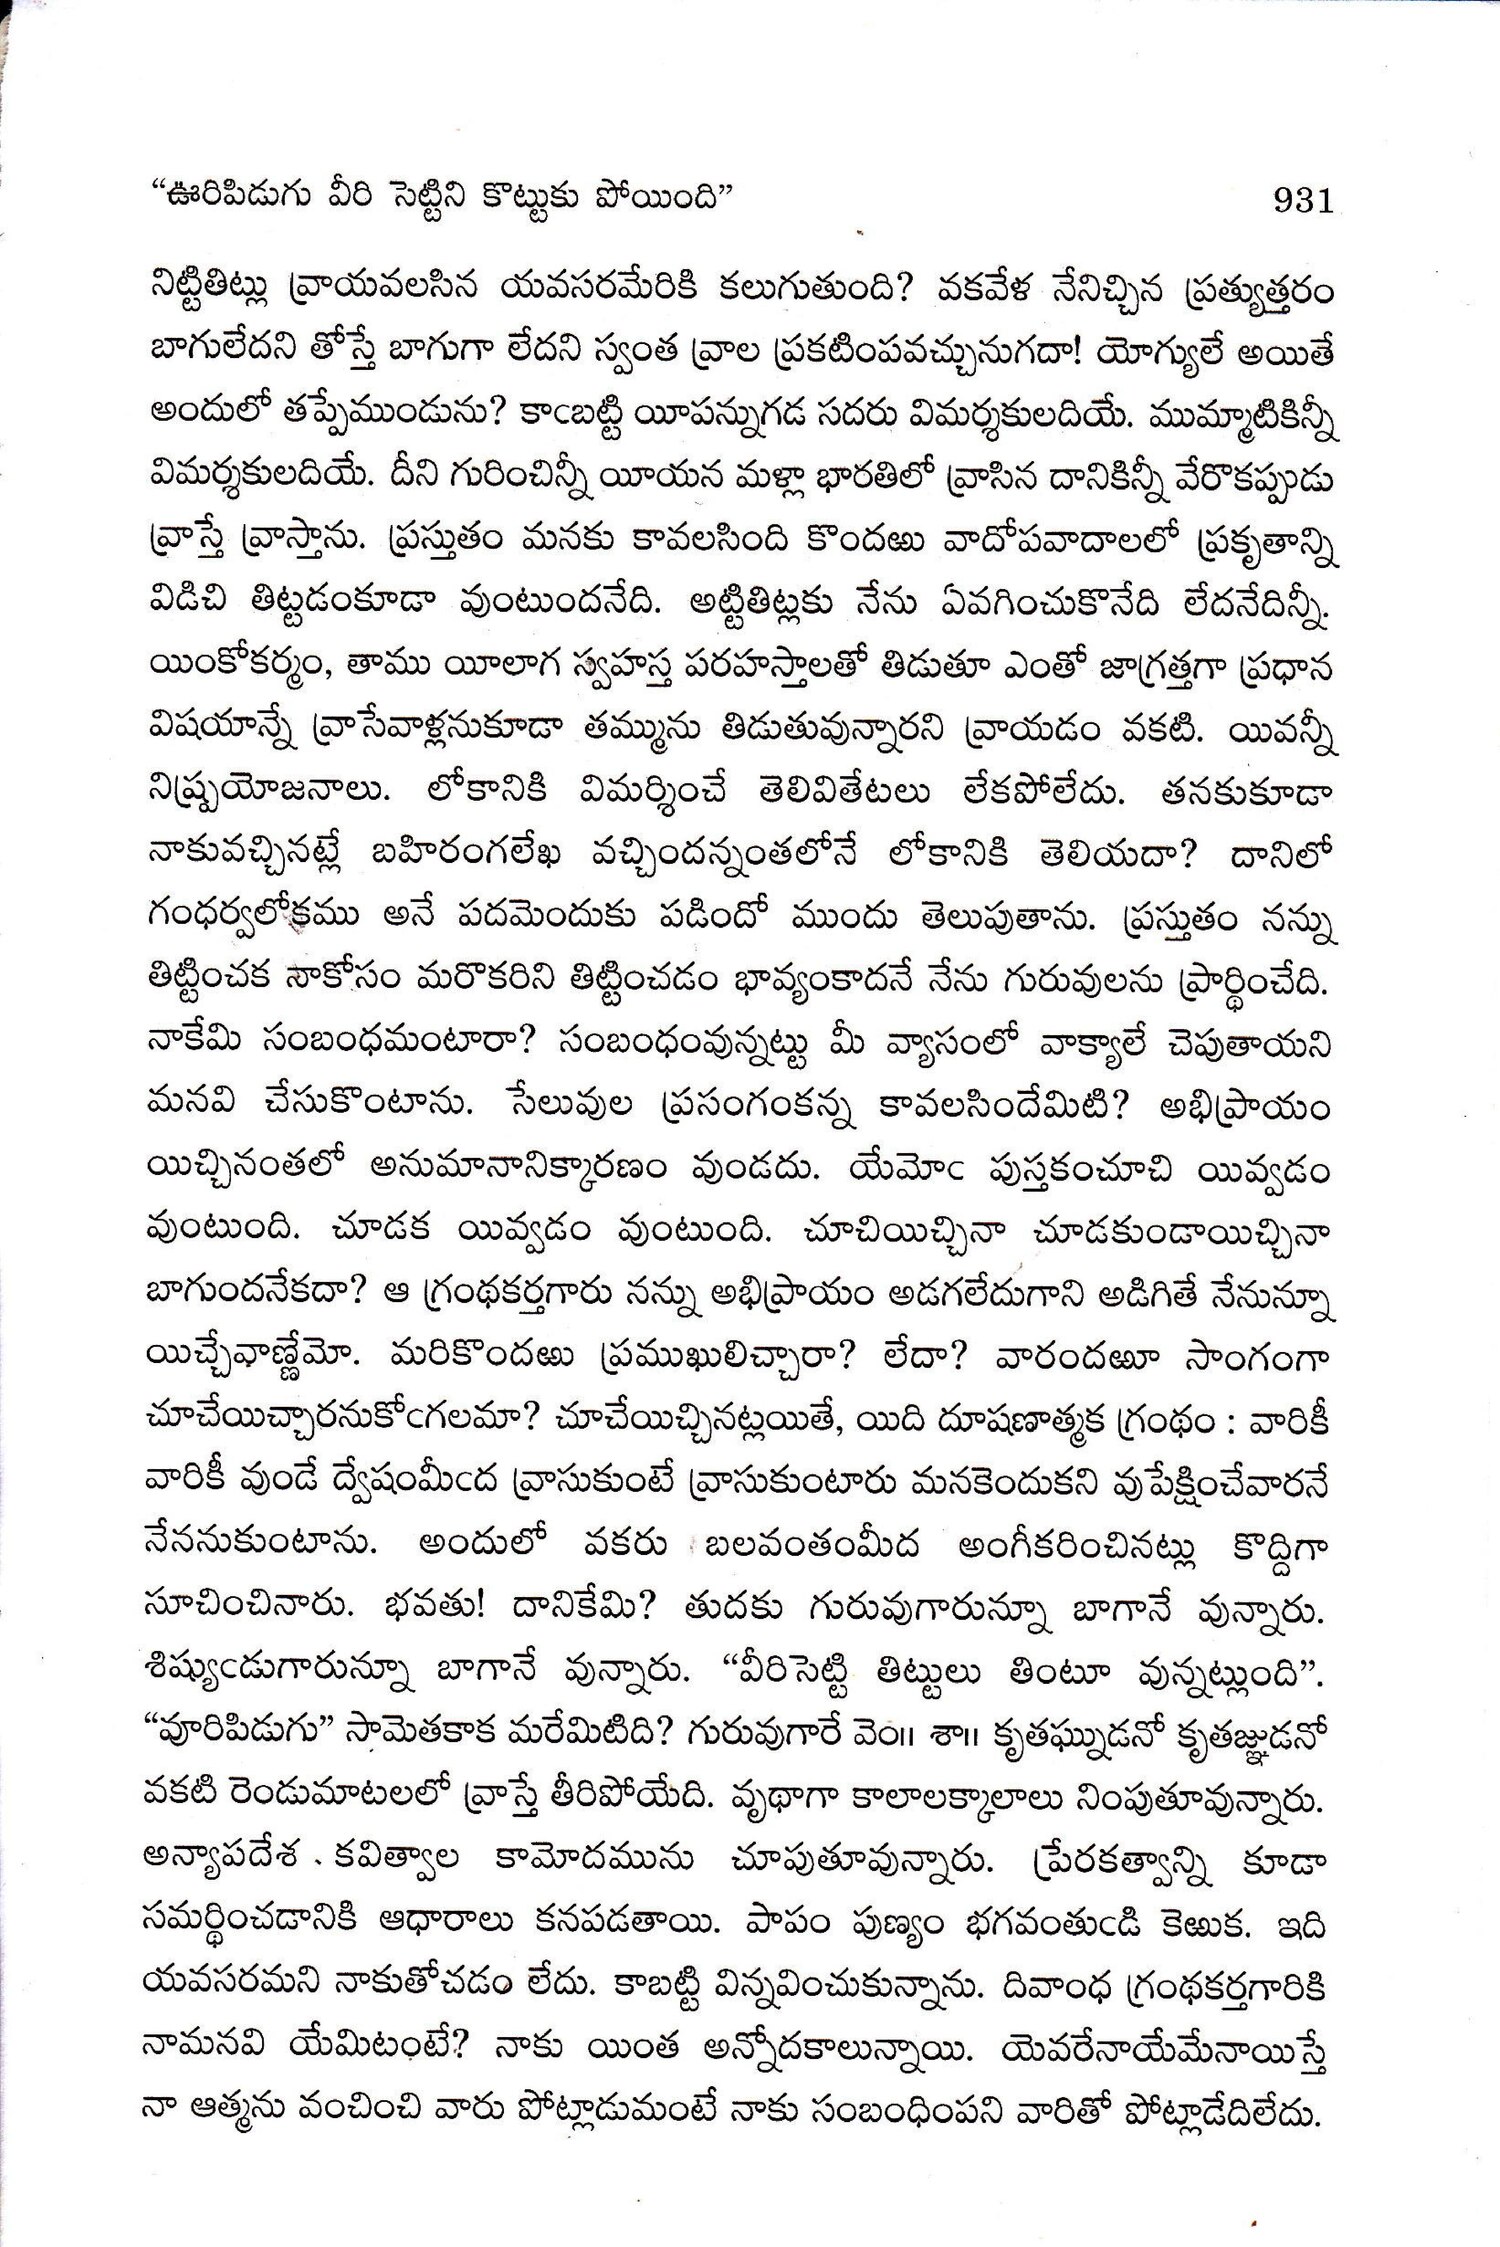నిట్టితిట్లు వ్రాయవలసిన యవసరమేరికి కలుగుతుంది? వకవేళ నేనిచ్చిన ప్రత్యుత్తరం బాగులేదని తోస్తే బాగుగా లేదని స్వంత వ్రాల ప్రకటింపవచ్చునుగదా! యోగ్యులే అయితే అందులో తప్పేముండును? కాఁబట్టి యీపన్నుగడ సదరు విమర్శకులదియే. ముమ్మాటికిన్నీ విమర్శకులదియే. దీని గురించిన్నీ యీయన మళ్లా భారతిలో వ్రాసిన దానికిన్నీ వేరొకప్పుడు వ్రాస్తే వ్రాస్తాను. ప్రస్తుతం మనకు కావలసింది కొందఱు వాదోపవాదాలలో ప్రకృతాన్ని విడిచి తిట్టడంకూడా వుంటుందనేది. అట్టితిట్లకు నేను ఏవగించుకొనేది లేదనేదిన్నీ యింకోకర్మం, తాము యీలాగ స్వహస్త పరహస్తాలతో తిడుతూ ఎంతో జాగ్రత్తగా ప్రధాన విషయాన్నే వ్రాసేవాళ్లనుకూడా తమ్మును తిడుతువున్నారని వ్రాయడం వకటి. యివన్నీ నిష్ప్రయోజనాలు. లోకానికి విమర్శించే తెలివితేటలు లేకపోలేదు. తనకుకూడా నాకువచ్చినట్లే బహిరంగలేఖ వచ్చిందన్నంతలోనే లోకానికి తెలియదా? దానిలో గంధర్వలోకము అనే పదమెందుకు పడిందో ముందు తెలుపుతాను. ప్రస్తుతం నన్ను తిట్టించక నాకోసం మరొకరిని తిట్టించడం భావ్యంకాదనే నేను గురువులను ప్రార్థించేది. నాకేమి సంబంధమంటారా? సంబంధంవున్నట్టు మీ వ్యాసంలో వాక్యాలే చెపుతాయని మనవి చేసుకొంటాను. సేలువుల ప్రసంగంకన్న కావలసిందేమిటి? అభిప్రాయం యిచ్చినంతలో అనుమానానిక్కారణం వుండదు. యేమోఁ పుస్తకంచూచి యివ్వడం వుంటుంది. చూడక యివ్వడం వుంటుంది. చూచియిచ్చినా చూడకుండాయిచ్చినా బాగుందనేకదా? ఆ గ్రంథకర్తగారు నన్ను అభిప్రాయం అడగలేదుగాని అడిగితే నేనున్నూ యిచ్చేవాణ్ణేమో. మరికొందఱు ప్రముఖులిచ్చారా? లేదా? వారందఱూ సాంగంగా చూచేయిచ్చారనుకోఁగలమా? చూచేయిచ్చినట్లయితే, యిది దూషణాత్మక గ్రంథం : వారికీ వారికీ వుండే ద్వేషంమీఁద వ్రాసుకుంటే వ్రాసుకుంటారు మనకెందుకని వుపేక్షించేవారనే నేననుకుంటాను. అందులో వకరు బలవంతంమీద అంగీకరించినట్లు కొద్దిగా సూచించినారు. భవతు! దానికేమి? తుదకు గురువుగారున్నూ బాగానే వున్నారు. శిష్యుఁడుగారున్నూ బాగానే వున్నారు. “వీరిసెట్టి తిట్టులు తింటూ వున్నట్లుంది". “వూరిపిడుగు" సామెతకాక మరేమిటిది? గురువుగారే వెం|| శా|| కృతఘ్నుడనో కృతజ్ఞుడనో వకటి రెండుమాటలలో వ్రాస్తే తీరిపోయేది. వృథాగా కాలాలక్కాలాలు నింపుతూవున్నారు. అన్యాపదేశ కవిత్వాల కామోదమును చూపుతూవున్నారు. ప్రేరకత్వాన్ని కూడా సమర్ధించడానికి ఆధారాలు కనపడతాయి. పాపం పుణ్యం భగవంతుఁడి కెఱుక. ఇది యవసరమని నాకుతోచడం లేదు. కాబట్టి విన్నవించుకున్నాను. దివాంధ గ్రంథకర్తగారికి నామనవి యేమిటంటే? నాకు యింత అన్నోదకాలున్నాయి. యెవరేనాయేమేనాయిస్తే నా ఆత్మను వంచించి వారు పోట్లాడుమంటే నాకు సంబంధింపని వారితో పోట్లాడేదిలేదు.